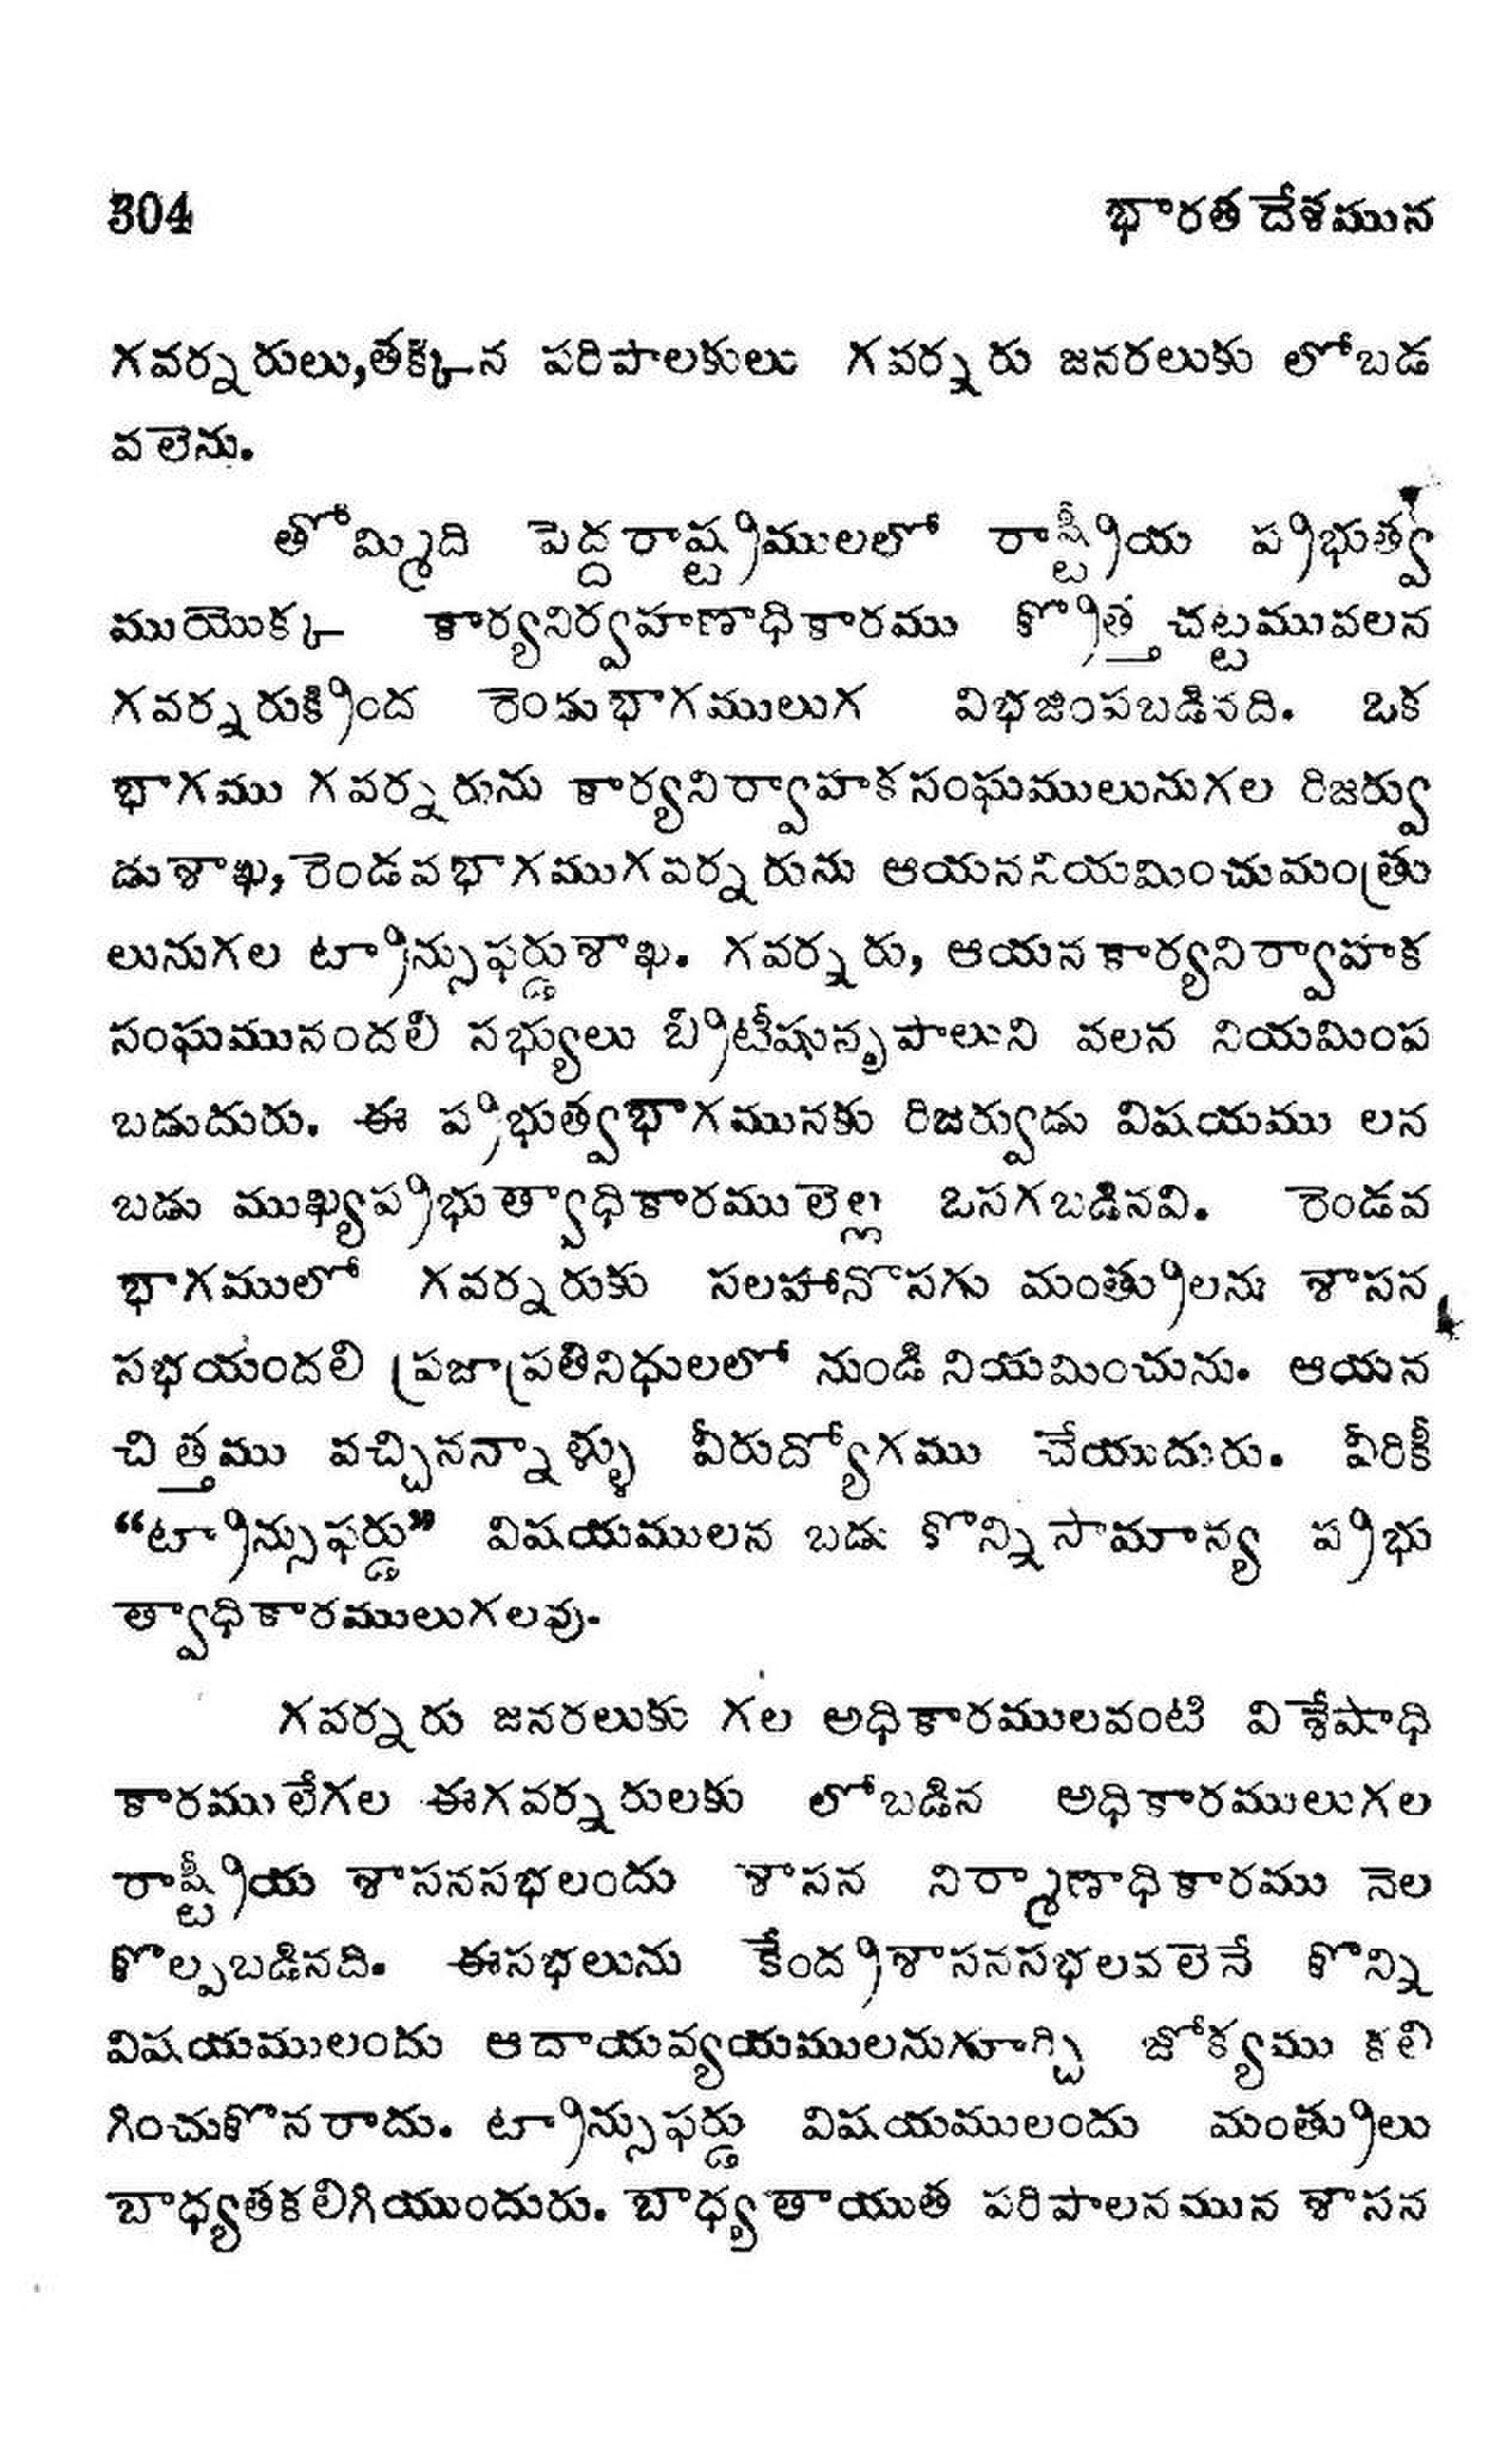గవర్నరులు, తక్కిన పరిపాలకులు గవర్నరు జనరలుకు లోబడవలెను.

తొమ్మిది పెద్దరాష్ట్రములలో రాష్ట్రీయ ప్రభుత్వముయొక్క కార్యనిర్వహణాధికారము క్రొత్త చట్టమువలన గవర్నరుక్రింద రెండుభాగములుగ విభజింపబడినది. ఒకభాగము గవర్నరును కార్యనిర్వాహకసంఘములునుగల రిజర్వుడుశాఖ, రెండవభాగము గవర్నరును ఆయననియమించుమంత్రులునుగల టాన్సుఫర్డుశాఖ. గవర్నరు, ఆయనకార్యనిర్వాహక సంఘమునందలి సభ్యులు బ్రిటీషునృపాలుని వలన నియమింపబడుదురు. ఈ ప్రభుత్వభాగమునకు రిజర్వుడు విషయము లనబడు ముఖ్యప్రభుత్వాధికారములెల్ల ఒసగబడినవి. రెండవ భాగములో గవర్నరుకు సలహానొసగు మంత్రులను శాసనసభయందలి ప్రజాప్రతినిధులలో నుండి నియమించును. ఆయన చిత్తము వచ్చినన్నాళ్ళు వీరుద్యోగము చేయుదురు. వీరికీ “టాన్సుఫర్డు" విషయములన బడ కొన్నిసామాన్య ప్రభుత్వాధికారములుగలవు.

గవర్నరు జనరలుకు గల అధికారములవంటి విశేషాధికారములేగల ఈగవర్నరులకు లోబడిన అధికారములుగల రాష్ట్రీయ శాసనసభలందు శాసన నిర్మాణాధికారము నెలకొల్పబడినది. ఈసభలును కేంద్రశాసనసభలవలెనే కొన్ని విషయములందు ఆదాయవ్యయములనుగూర్చి జోక్యము కలిగించుకొనరాదు. ట్రాన్సుఫర్డు విషయములందు మంత్రులు బాధ్యతకలిగి యుందురు. బాధ్యతాయుత పరిపాలనమున శాసన